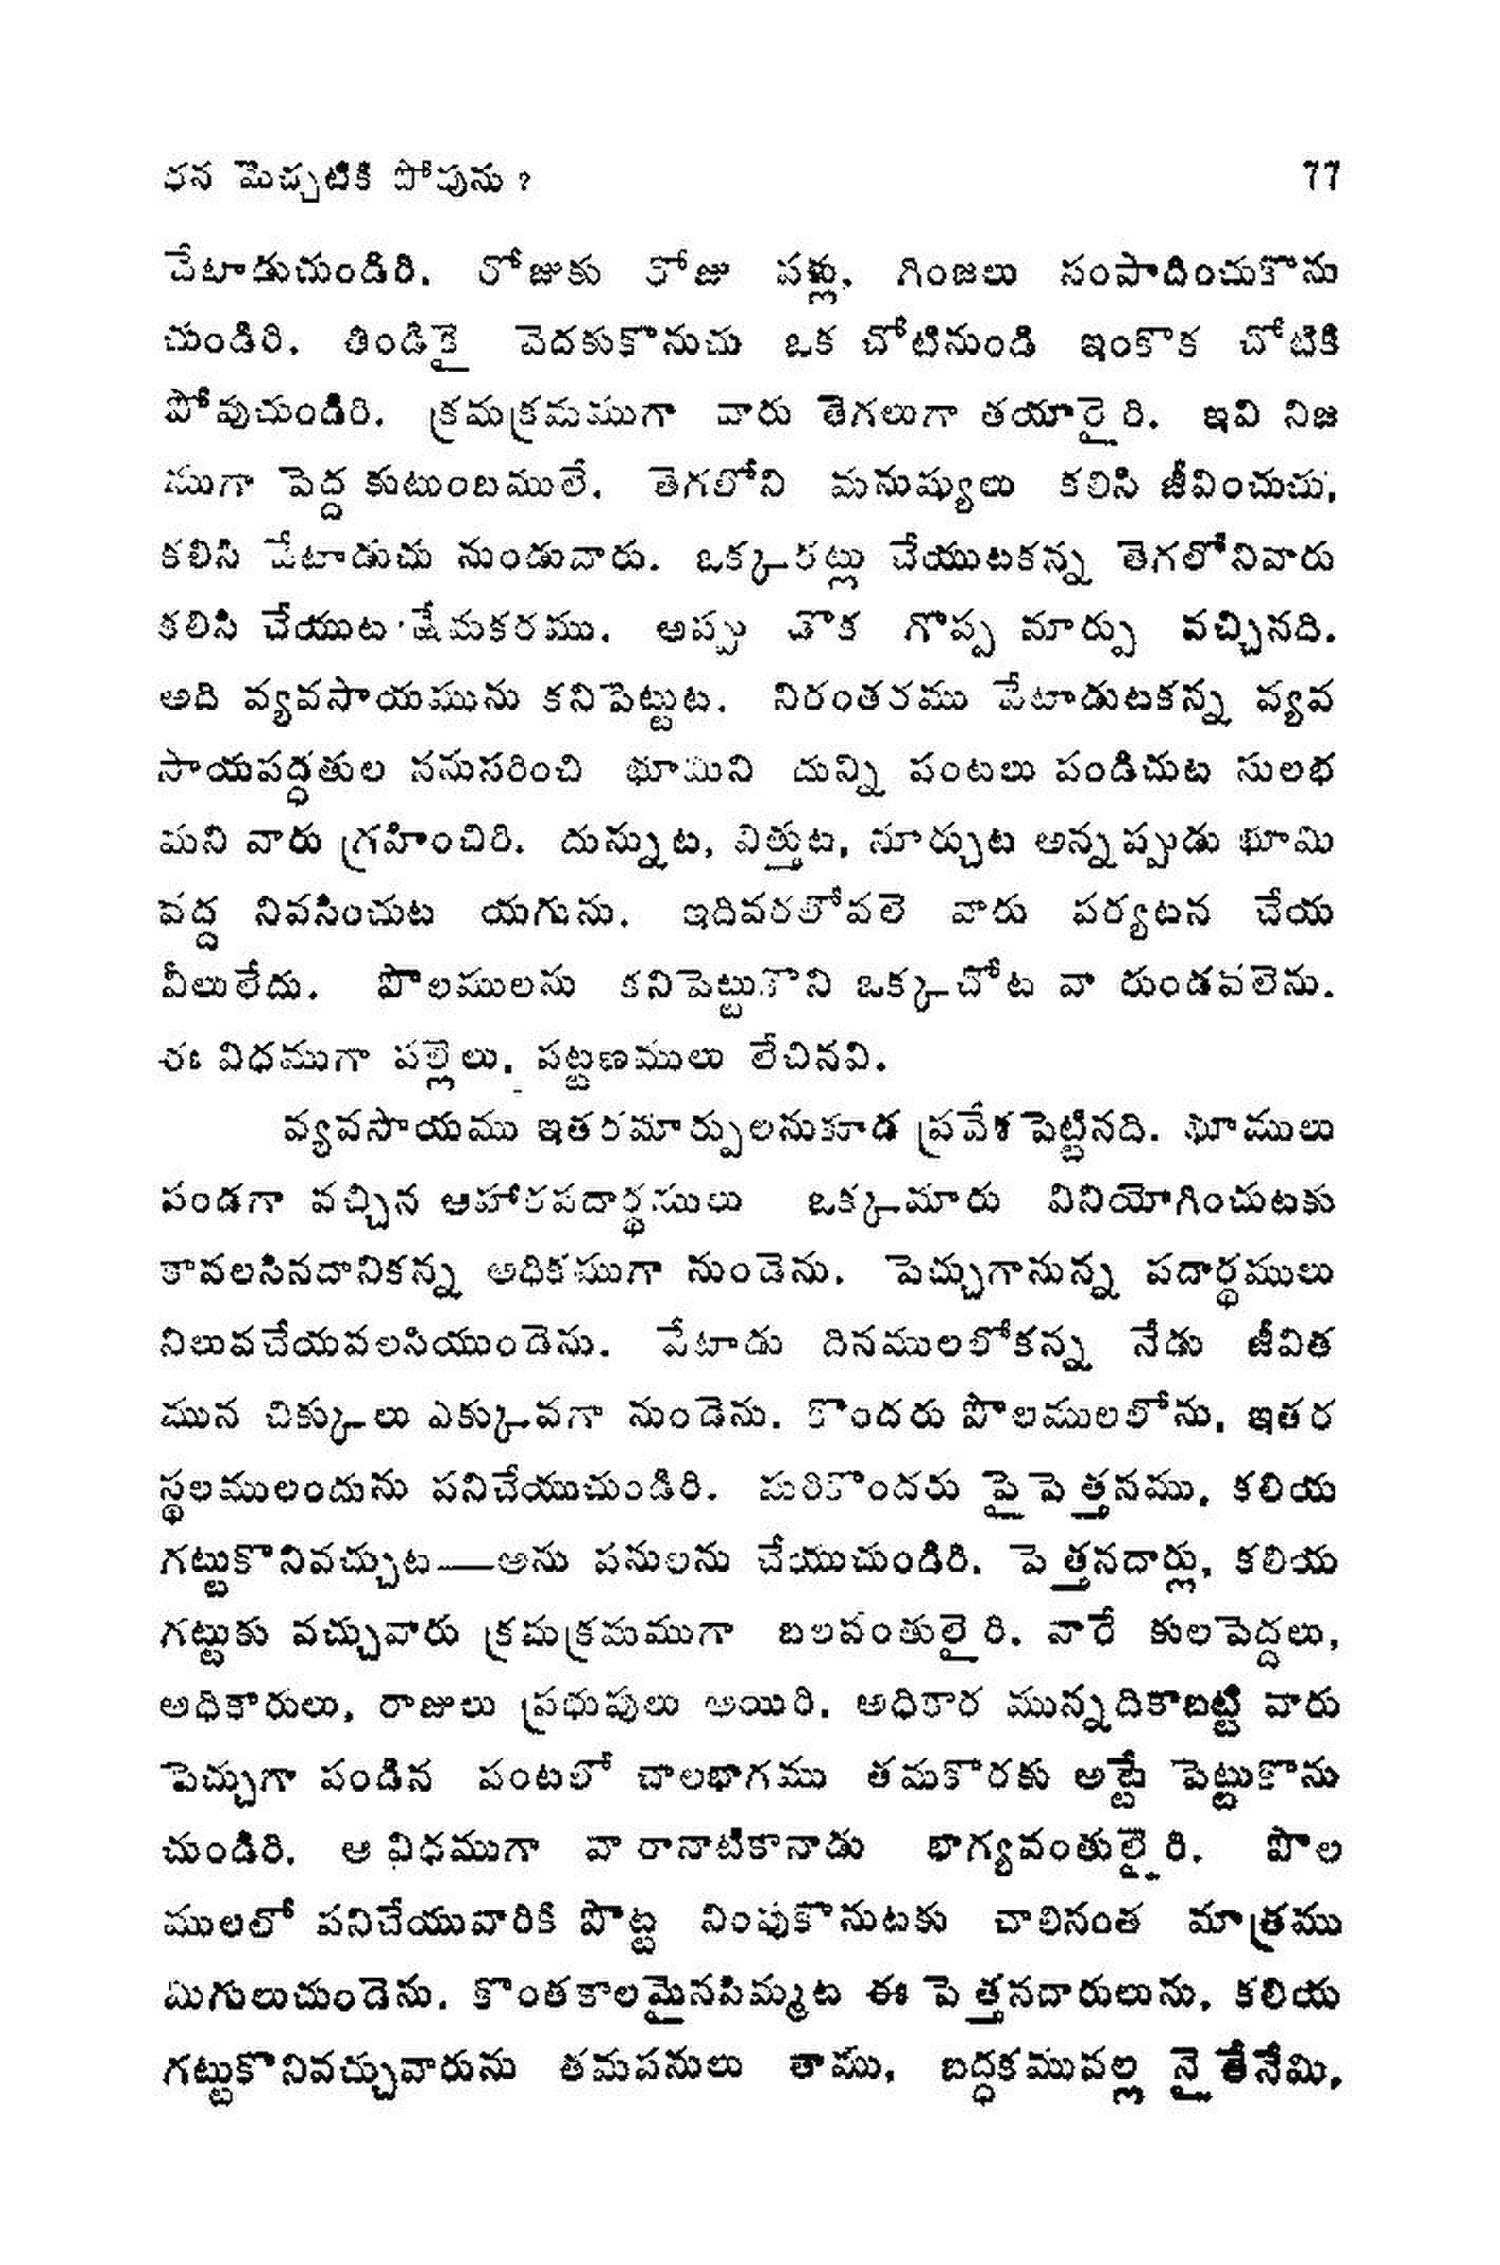వేటాడుచుండిరి. రోజుకు రోజు పళ్లు, గింజలు సంపాదించుకొను చుండిరి. తిండికై వెదకుకొనుచు ఒక చోటినుండి ఇంకొక చోటికి పోవుచుండిరి. క్రమక్రమముగా వారు తెగలుగా తయారైరి. ఇవి నిజముగా పెద్ద కుటుంబములే. తెగలోని మనుష్యులు కలిసి జీవించుచు, కలిసి వేటాడుచు నుండువారు. ఒక్కరట్లు చేయుటకన్న తెగలోనివారు కలిసి చేయుట క్షేమకరము. అప్పు డొక గొప్ప మార్పు వచ్చినది. అది వ్యవసాయమును కనిపెట్టుట. నిరంతరము వేటాడుటకన్న వ్యవసాయ పద్ధతుల ననుసరించి భూమిని దున్ని పంటలు పండిచుట సులభమని వారు గ్రహించిరి. దున్నుట, విత్తుట, నూర్చుట అన్నప్పుడు భూమి వద్ద నివసించుట యగును. ఇదివరలోవలె వారు పర్యటన చేయ వీలులేదు. పొలములను కనిపెట్టుకొని ఒక్కచోట వా రుండవలెను. ఈ విధముగా పల్లెలు, పట్టణములు లేచినవి.

వ్యవసాయము ఇతరమార్పులనుకూడ ప్రవేశ పెట్టినది. భూములు పండగా వచ్చిన ఆహారపదార్థములు ఒక్కమారు వినియోగించుటకు కావలసినదానికన్న అధికముగా నుండెను. పెచ్చుగానున్న పదార్దములు నిలువచేయవలసియుండెను. వేటాడు దినములలోకన్న నేడు జీవితమున చిక్కులు ఎక్కువగా నుండెను. కొందరు పొలములలోను, ఇతర స్థలములందును పనిచేయుచుండిరి. మరికొందరు పై పెత్తనము, కలియ గట్టుకొనివచ్చుట _ అను పనులను చేయుచుండిరి. పెత్తనదార్లు, కలియ గట్టుకు వచ్చువారు క్రమక్రమముగా బలవంతులైరి. వారే కులపెద్దలు, అధికారులు, రాజులు ప్రభువులు అయిరి. అధికార మున్నదికాబట్టి వారు పెచ్చుగా పండిన పంటలో చాలభాగము తమకొరకు అట్టే పెట్టుకొనుచుండిరి. ఆ విధముగా వారానాటికానాడు భాగ్యవంతులైరి. పొలములలో పనిచేయువారికి పొట్ట నింపుకొనుటకు చాలినంత మాత్రము మిగులుచుండెను. కొంతకాలమైనపిమ్మట ఈ పెత్తనదారులును, కలియ గట్టుకొనివచ్చువారును తమపనులు తాము, బద్దకమువల్ల నైతేనేమి,